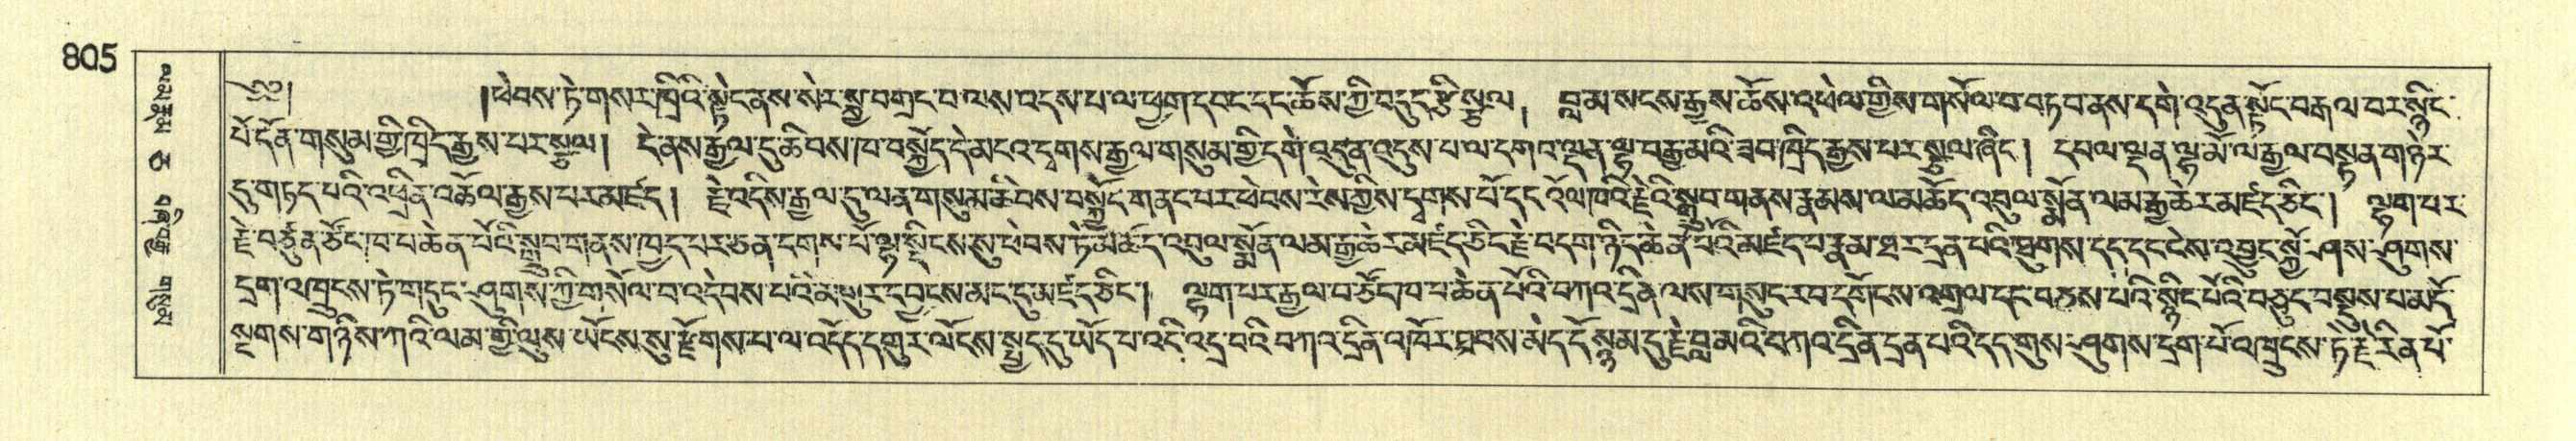༄༅། །ཕེབས་ཏེ་གསར་ཁྲིའི་སྟེང་ནས་སེར་སྐྱ་བགྲང་བ་ལས་འདས་པ་ལ་ཕྱག་དབང་དང་ཆོས་ཀྱི་བདུད་རྩི་སྩལ། བླ་མ་སངས་རྒྱས་ཆོས་འཕེལ་གྱིས་གསོལ་བ་བཏབ་ནས་དགེ་འདུན་སྟོང་བརྒལ་བར་སྙིང་
པོ་དོན་གསུམ་གྱི་ཁྲིད་རྒྱས་པར་སྩལ། དེ་ནས་རྒྱལ་དུ་ཆིབས་ཁ་བསྐྱོད་དེ་མངའ་དྭགས་རྒྱལ་གསུམ་གྱི་དགེ་འདུན་འདུས་པ་ལ་དགའ་ལྡན་ལྷ་བརྒྱ་མའི་ཟབ་ཁྲིད་རྒྱས་པར་སྩལ་ཞིང་། དཔལ་ལྡན་ལྷ་མོ་ལ་རྒྱལ་བསྟན་གཉེར་
དུ་གཏད་པའི་འཕྲིན་འཆོལ་རྒྱས་པར་མཛད། རྗེ་འདིས་རྒྱལ་དུ་ལན་གསུམ་ཆིབས་བསྐྱོད་གནང་པར་ཕེབས་རེས་ཀྱིས་དྭགས་པོ་དང་འོལ་ཁའི་རྗེའི་སྒྲུབ་གནས་རྣམས་ལ་མཆོད་འབུལ་སྨོན་ལམ་རྒྱ་ཆེར་མཛད་ཅིང་། ལྷག་པར་
རྗེ་བཙུན་ཙོང་ཁ་པ་ཆེན་པོའི་སྒྲུབ་གནས་ཁྱད་པར་ཅན་དགས་པོ་ལྷ་སྡིངས་སུ་ཕེབས་ཏེ་མཆོད་འབུལ་སྨོན་ལམ་རྒྱ་ཆེར་མཛད་ཅིང་རྗེ་བདག་ཉིད་ཆེན་པོའི་མཛད་པ་རྣམ་ཐར་དྲན་པའི་ཐུགས་དད་དང་ངེས་འབྱུང་སྐྱོ་ཤས་ཤུགས་
དྲག་འཁྲུངས་ཏེ་གདུང་ཤུགས་ཀྱི་གསོལ་བ་འདེབས་པའི་མགུར་དབྱངས་མང་དུ་མཛད་ཅིང་། ལྷག་པར་རྒྱལ་བ་ཙོང་ཁ་པ་ཆེན་པོའི་བཀའ་དྲིན་ལས་གསུང་རབ་དགོངས་འགྲལ་དང་བཅས་པའི་སྙིང་པོའི་བཅུང་བསྡུས་པ་མདོ་
སྔགས་གཉིས་ཀའི་ལམ་གྱི་ལུས་ཡོངས་སུ་རྫོགས་པ་ལ་འདོད་དགུར་ལོངས་སྤྱད་དུ་ཡོད་པ་འདི་འདྲ་བའི་བཀའ་དྲིན་འཁོར་ཐབས་མེད་དོ་སྙམ་དུ་རྗེ་བླ་མའི་བཀའ་དྲིན་དྲན་པའི་དད་གུས་ཤུགས་དྲག་པོ་འཁྲུངས་ཏེ་རྗེ་རིན་པོ་